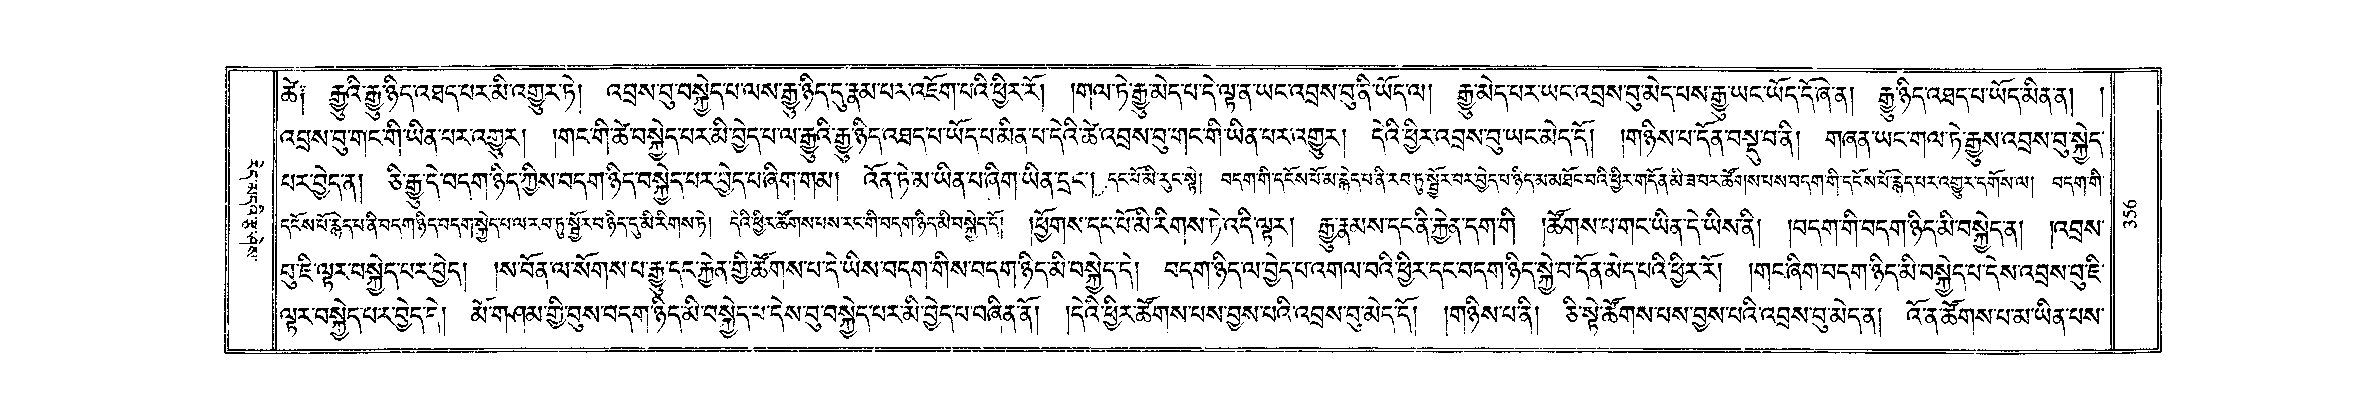ཚེ༑ རྒྱུའི་རྒྱུ་ཉིད་འཐད་པར་མི་འགྱུར་ཏེ། འབྲས་བུ་བསྐྱེད་པ་ལས་རྒྱུ་ཉིད་དུ་རྣམ་པར་འཇོག་པའི་ཕྱིར་རོ། །གལ་ཏེ་རྒྱུ་མེད་པ་དེ་ལྟ་ན་ཡང་འབྲས་བུ་ནི་ཡོད་ལ། རྒྱུ་མེད་པར་ཡང་འབྲས་བུ་མེད་པས་རྒྱུ་ཡང་ཡོད་དོ་ཞེ་ན། རྒྱུ་ཉིད་འཐད་པ་ཡོད་མིན་ན། །
འབྲས་བུ་གང་གི་ཡིན་པར་འགྱུར། །གང་གི་ཚེ་བསྐྱེད་པར་མི་བྱེད་པ་ལ་རྒྱུའི་རྒྱུ་ཉིད་འཐད་པ་ཡོད་པ་མིན་པ་དེའི་ཚེ་འབྲས་བུ་གང་གི་ཡིན་པར་འགྱུར། དེའི་ཕྱིར་འབྲས་བུ་ཡང་མེད་དོ། །གཉིས་པ་དོན་བསྡུ་བ་ནི། གཞན་ཡང་གལ་ཏེ་རྒྱུས་འབྲས་བུ་སྐྱེད་
པར་བྱེད་ན། ཅི་རྒྱུ་དེ་བདག་ཉིད་ཀྱིས་བདག་ཉིད་བསྐྱེད་པར་བྱེད་པ་ཞིག་གམ། འོན་ཏེ་མ་ཡིན་པ་ཞིག་ཡིན་དྲང་། དང་པོ་མི་རུང་སྟེ། བདག་གི་དངོས་པོ་མ་རྙེད་པ་ནི་རབ་ཏུ་སྦྱོར་བར་བྱེད་པ་ཉིད་མ་མཐོང་བའི་ཕྱིར་གདོན་མི་ཟ་བར་ཚོགས་པས་བདག་གི་དངོས་པོ་རྙེད་པར་འགྱུར་དགོས་ལ། བདག་གི་
དངོས་པོ་རྙེད་པ་ནི་བདག་ཉིད་བདག་སྐྱེད་པ་ལ་རབ་ཏུ་སྦྱོར་བ་ཉིད་དུ་མི་རིགས་ཏེ། དེའི་ཕྱིར་ཚོགས་པས་རང་གི་བདག་ཉིད་མི་བསྐྱེད་དོ། །ཕྱོགས་དང་པོ་མི་རིགས་ཏེ་འདི་ལྟར། རྒྱུ་རྣམས་དང་ནི་རྐྱེན་དག་གི །ཚོགས་པ་གང་ཡིན་དེ་ཡིས་ནི། །བདག་གི་བདག་ཉིད་མི་བསྐྱེད་ན། །འབྲས་
བུ་ཇི་ལྟར་བསྐྱེད་པར་བྱེད། །ས་བོན་ལ་སོགས་པ་རྒྱུ་དང་རྐྱེན་གྱི་ཚོགས་པ་དེ་ཡིས་བདག་གིས་བདག་ཉིད་མི་བསྐྱེད་དེ། བདག་ཉིད་ལ་བྱེད་པ་འགལ་བའི་ཕྱིར་དང་བདག་ཉིད་སྐྱེ་བ་དོན་མེད་པའི་ཕྱིར་རོ། །གང་ཞིག་བདག་ཉིད་མི་བསྐྱེད་པ་དེས་འབྲས་བུ་ཇི་
ལྟར་བསྐྱེད་པར་བྱེད་དེ། མོ་གཤམ་གྱི་བུས་བདག་ཉིད་མི་བསྐྱེད་པ་དེས་བུ་བསྐྱེད་པར་མི་བྱེད་པ་བཞིན་ནོ། །དེའི་ཕྱིར་ཚོགས་པས་བྱས་པའི་འབྲས་བུ་མེད་དོ། །གཉིས་པ་ནི། ཅི་སྟེ་ཚོགས་པས་བྱས་པའི་འབྲས་བུ་མེད་ན། འོ་ན་ཚོགས་པ་མ་ཡིན་པས་